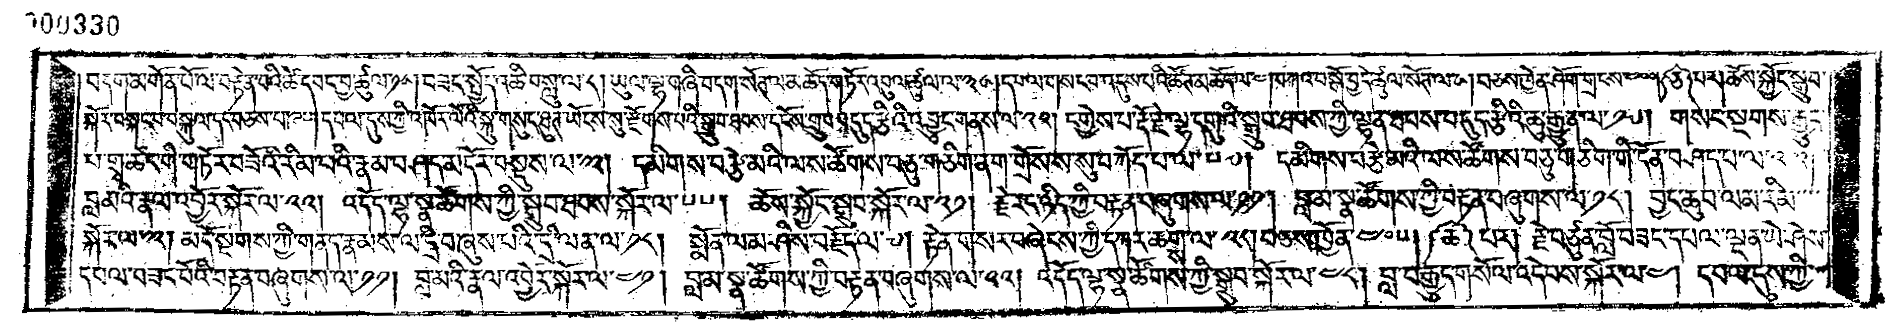བདག་མགོན་པོ་ལ་བརྟེན་བའི་ཚེ་དབང་བྱ་ཚུལ ༡༦། བཟང་སྤྱོད་འཆི་བསླུ་ལ ༨། ཡུལ་ལྷ་གཞི་བདག་སོཊ་ལ་མཆོད་གཏོར་འབུལ་ཚུལ་ལ ༣༦། དཔལ་གསང་བ་འདུས་པའི་ཚོཊ་མཆོད་ལ ༤། བཀའ་བསྒོ་བྱེད་ཚུལ་སོཊ་ལ ༦། བཅས་ཁྱོན་ཤོག་གྲངས ༤༠༠། ༼ཅ༽ པར། ཆོས་སྐྱོང་སྒྲུབ་
སྐོར་བསྐང་བ་བསྐུལ་དང་བཅས་པ ༩༥། དཔལ་དུས་ཀྱི་འཁོར་ལོའི་སྐུ་གསུང་ཐུཊ་ཡོངས་སུ་རྫོགས་པའི་སྒྲུབ་ཐབས་དངོས་གྲུབ་བདུད་རྩིའི་འབྱུང་གནས་ལ ༢༢། དགྱེས་པ་རྡོ་རྗེ་ལྷ་དགུའི་སྒྲུབ་ཐབས་ཀྱི་ལྷན་ཐབས་བདུད་རྩིའི་ཆུ་རྒྱུན་ལ ༡༧། གསང་སྔགས་རྒྱུད་
པ་གྲྭ་ཚང་གི་གཏོར་བཟོའི་རིམ་པའི་རྣམ་བཤད་མདོར་བསྡུས་ལ ༡༢། དམིགས་བརྩེ་མའི་ལས་ཚོགས་བཅུ་གཅིག་ནག་གྲོས་ས་སུ་བཀོད་པ་ལ ༥༧། དམིགས་བརྩེ་མའི་ལས་ཚོགས་བཅུ་གཅིག་གི་དོན་བཤད་པ་ལ ༢༣།
བླ་མའི་རྣལ་འབྱོར་སྐོར་ལ ༢༢། འདོད་ལྷ་སྣ་ཚོགས་ཀྱི་སྒྲུབ་ཐབས་སྐོར་ལ ༥༥། ཆོས་སྐྱོང་སྒྲུབ་སྐོར་ལ ༢༡། རྗེ་རང་ཉིད་ཀྱི་བརྟན་བཞུགས་ལ ༡༡། བླ་མ་སྣ་ཚོགས་ཀྱི་བརྟན་བཞུགས་ལ ༡༨། བྱང་ཆུབ་ལམ་རིམ་
སྐོར་ལ ༡༢། མདོ་སྔགས་ཀྱི་གནད་རྣམས་ལ་དྲི་བ་ཞུས་པའི་དྲི་ལན་ལ ༡༨། སྨོན་ལམ་ཤིས་བརྗོད་ལ ༧། རྟེན་གསར་བཞེངས་ཀྱི་དཀར་ཆགས་ལ ༢༨། བཅས་ཁྱོན ༤༠༥། ༼ཆ༽ པར། རྗེ་བཙུན་བློ་བཟང་དཔལ་ལྡན་ཡེ་ཤེས་
དཔལ་བཟང་པོའི་བརྟན་བཞུགས་ལ ༡༡། བླ་མའི་རྣལ་འབྱོར་སྐོར་ལ ༤༡། བླ་མ་སྣ་ཚོགས་ཀྱི་བརྟན་བཞུགས་ལ ༢༢། འདོད་ལྷ་སྣ་ཚོགས་ཀྱི་སྒྲུབ་སྐོར་ལ ༤༨། བླ་བརྒྱུད་གསོལ་འདེབས་སྐོར་ལ ༤། དཔལ་དུས་ཀྱི་